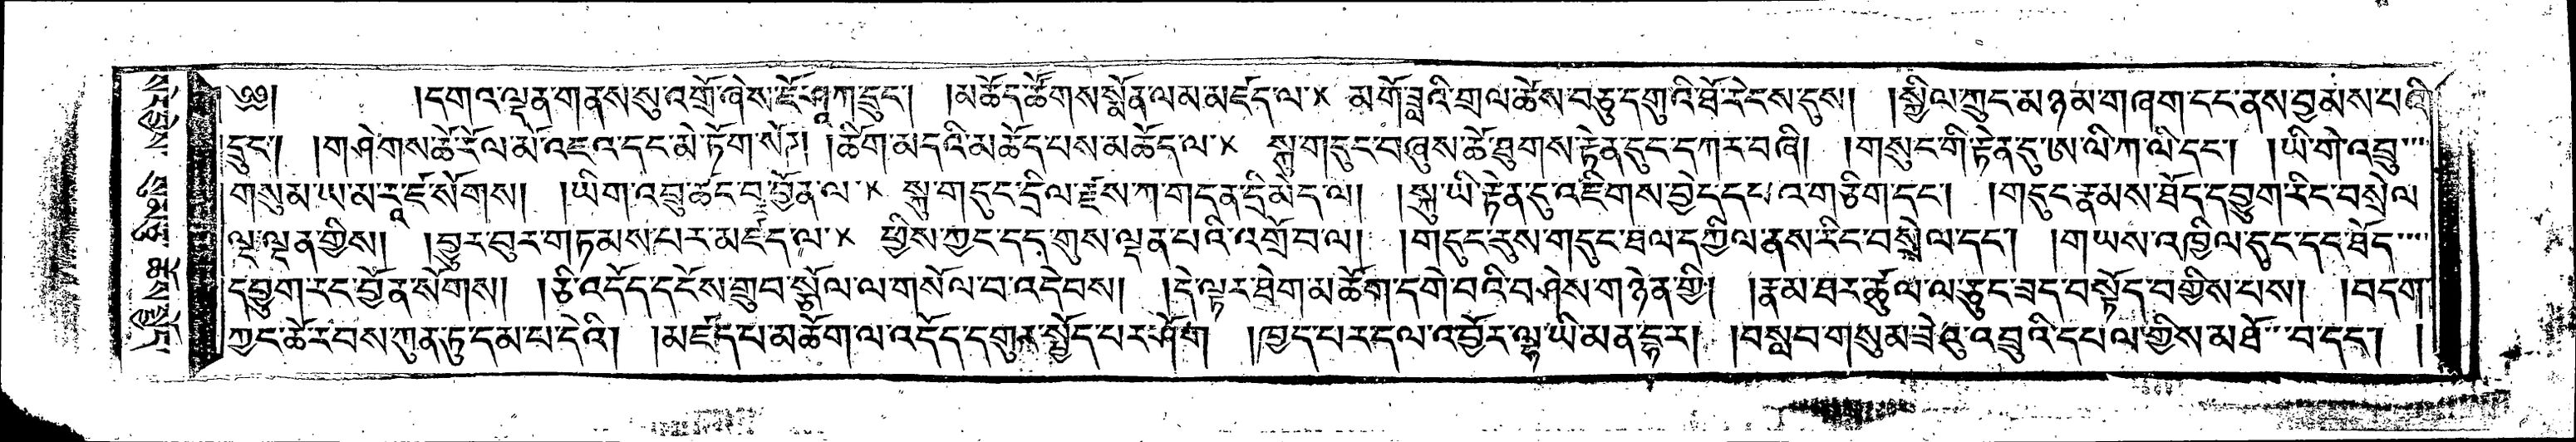༄༅། །དགའ་ལྡན་གནས་སུ་འགྲོ་ཞེས་ཇོ་ཤཱཀ་དྲུང་། །མཆོད་ཚོགས་སྨོན་ལམ་མཛད་ལ་{྾}་མགོ་ཟླའི་གྲལ་ཚེས་བཅུ་དགུའི་ཐོ་རེངས་དུས། །སྐྱིལ་ཀྲུང་མཉམ་གཞག་ངང་ནས་བྱམས་པའི་
དྲུང་། །གཤེགས་ཚེ་རོལ་མོ་འཇའ་དང་མེ་ཏོག་སོགས། །ཚིག་མདའི་མཆོད་པས་མཆོད་ལ་{྾}་སྐུ་གདུང་བཞུས་ཚེ་ཐུགས་རྟེན་དུང་དཀར་བཞི། །གསུང་གི་རྟེན་དུ་ཨ་ལི་ཀ་ལི་དང་། །ཡི་གེ་འབྲུ་
གསུམ་ཡ་མ་རཱ་ཛ་སོགས། །ཡིག་འབྲུ་ཚང་བར་བྱོན་ལ་{྾}་སྐུ་གདུང་དྲིལ་རྫས་ཀ་གདན་དྲི་མེད་ལ། །སྐུ་ཡི་རྟེན་དུ་འཇིགས་བྱེད་དཔའ་གཅིག་དང་། །གདུང་རྣམས་ཐོད་དབྱུག་རིང་བསྲེལ་
ལྔ་ལྡན་གྱིས། །བྱུར་བུར་གཏམས་པར་མཛད་ལ་{྾}་ཕྱིས་ཀྱང་དད་གུས་ལྡན་པའི་འགྲོ་བ་ལ། །གདུང་རུས་གདུང་ཐལ་དཀྱིལ་ནས་རིང་བསྲེལ་དང་། །གཡས་འཁྱིལ་དུང་དང་ཐོད་
དབྱུག་རང་བྱོན་སོགས། །ཅི་འདོད་དངོས་གྲུབ་སྩོལ་ལ་གསོལ་བ་འདེབས། །དེ་ལྟར་ཐེག་མཆོག་དགེ་བའི་བཤེས་གཉེན་གྱི། །རྣམ་ཐར་ཚུལ་ལ་ཅུང་ཟད་བསྟོད་བགྱིས་པས། །བདག་
ཀྱང་ཚེ་རབས་ཀུན་ཏུ་དམ་པ་དེའི། །མཛད་པ་མཆོག་ལ་འདོད་དགུང་སྤྱོད་པར་ཤོག །ཁྱད་པར་དལ་འབྱོར་ལྷ་ཡི་མན་དྷ་ར། །བསླབ་གསུམ་ཟེའུ་འབྲུའི་དཔལ་གྱིས་མཐོ་བ་དང་། །